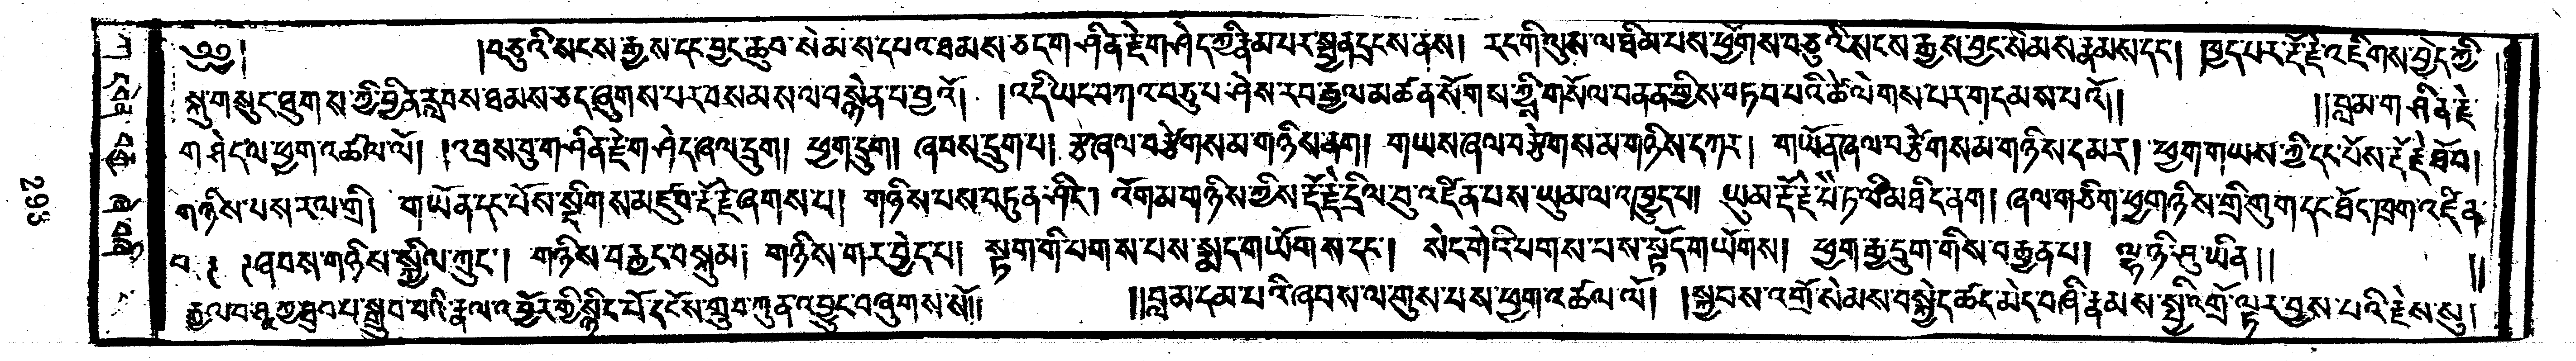༄༅། །བཅུའི་སངས་རྒྱས་དང་བྱང་ཆུབ་སེམས་དཔའ་ཐམས་ཅད་གཤིན་རྗེ་གཤེད་ཀྱི་རྣམ་པར་སྤྱན་དྲངས་ནས། རང་གི་ལུས་ལ་ཐིམ་པས་ཕྱོགས་བཅུའི་སངས་རྒྱས་བྱང་སེམས་རྣམས་དང་། ཁྱད་པར་རྡོ་རྗེ་འཇིགས་བྱེད་ཀྱི་
སྐུ་གསུང་ཐུགས་ཀྱི་བྱིན་རླབས་ཐམས་ཅད་ཞུགས་པར་བསམས་ལ་བསྙེན་པ་བྱའོ། །འདི་ཡང་བཀའ་བཅུ་པ་ཤེས་རབ་རྒྱལ་མཚན་སོགས་ཀྱིས་གསོལ་བ་ནན་གྱིས་བཏབ་པའི་ཚེ་ལེགས་པར་གདམས་པའོ།། །།བླ་མ་གཤིན་རྗེ་
གཤེད་ལ་ཕྱག་འཚལ་ལོ། །འབྲས་བུ་གཤིན་རྗེ་གཤེད་ཞལ་དྲུག། ཕྱག་དྲུག། ཞབས་དྲུག་པ། རྩ་ཞལ་བརྩེགས་མ་གཉིས་ནག། གཡས་ཞལ་བརྩེགས་མ་གཉིས་དཀར། གཡོན་ཞལ་བརྩེགས་མ་གཉིས་དམར། ཕྱག་གཡས་ཀྱི་དང་པོས་རྡོ་རྗེ་ཐོབ།
གཉིས་པས་རལ་གྲི། གཡོན་དང་པོས་སྡིགས་མཛུབ་རྡོ་རྗེ་ཞགས་པ། གཉིས་པས་བཏུན་ཤིང་། འོག་མ་གཉིས་ཀྱིས་རྡོ་རྗེ་དྲིལ་བུ་འཛིན་པས་ཡུམ་ལ་འཁྱུད་པ། ཡུམ་རྡོ་རྗེ་པཻ་ཏ་ལི་མཐིང་ནག། ཞལ་གཅིག་ཕྱག་གཉིས་གྲི་གུག་དང་ཐོང་ཁྲག་འཛིན་
པ༑ ༑ཞབས་གཉིས་སྐྱིལ་ཀྲུང་། གཉིས་བརྐྱང་བསྐུམ། གཉིས་གར་བྱེད་པ། སྟག་གི་པགས་པས་སྨད་གཡོགས་དང་། སེང་གེའི་པགས་པས་སྟོད་གཡོགས། ཕྱག་རྒྱ་དྲུག་གིས་བརྒྱན་པ། ལྷ་ཉི་ཤུ་ཡིན།། །།
རྒྱལ་བ་ཤཱཀྱ་ཐུབ་པ་སྒྲུབ་པའི་རྣལ་འབྱོར་གྱི་སྙིང་པོ་དངོས་གྲུབ་ཀུན་འབྱུང་བཞུགས་སོ།། །།བླ་མ་དམ་པའི་ཞབས་ལ་གུས་པས་ཕྱག་འཚལ་ལོ། །སྐྱབས་འགྲོ་སེམས་བསྐྱེད་ཚད་མེད་བཞི་རྣམས་སྤྱི་འགྲོ་ལྟར་བྱས་པའི་རྗེས་སུ།